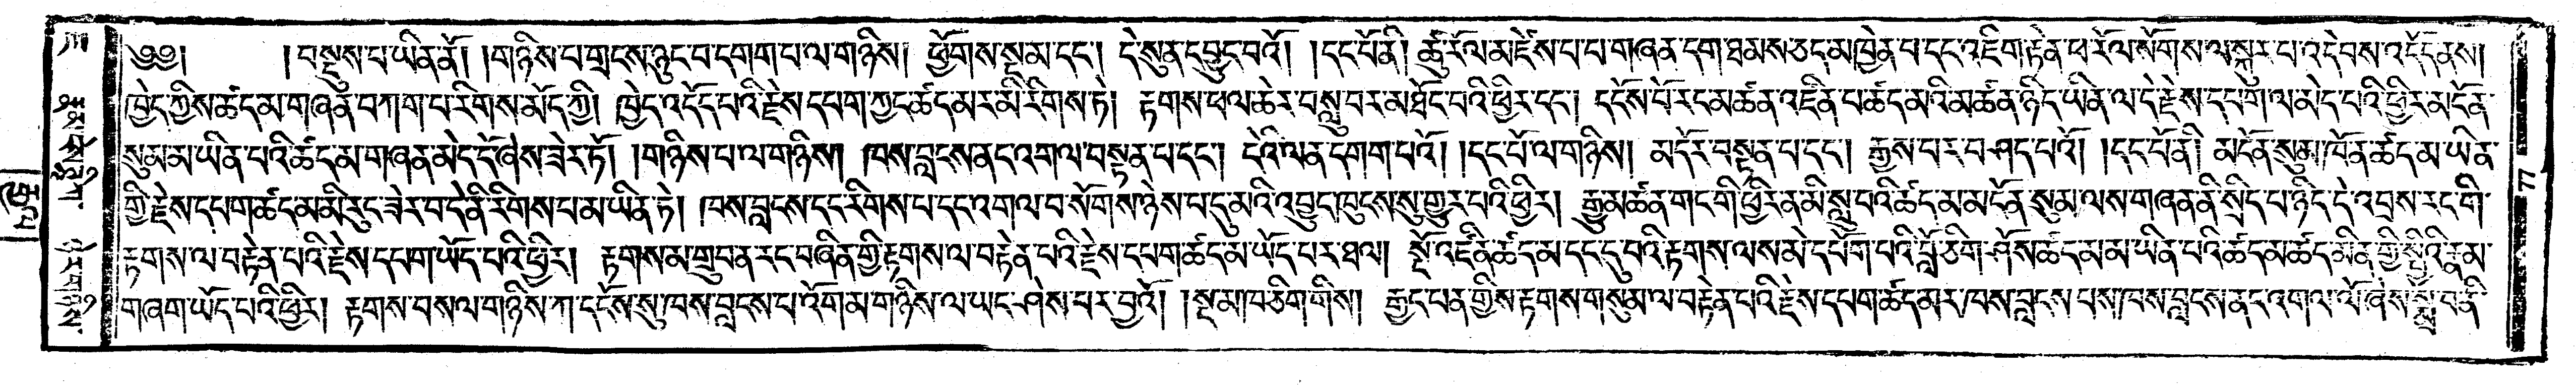༄༅། །བསྡུས་པ་ཡིན་ནོ། །གཉིས་པ་གྲངས་ཉུང་བ་དགག་པ་ལ་གཉིས། ཕྱོགས་སྔ་མ་དང་། དེ་སུན་དབྱུང་བའོ། །དང་པོ་ནི། ཚུ་རོལ་མཛེས་པ་པ་གཞན་དག་ཐམས་ཅད་མཁྱེན་པ་དང་འཇིག་རྟེན་ཕ་རོལ་སོགས་ལ་སྐུར་པ་འདེབས་འདོད་ནས།
ཁྱེད་ཀྱིས་ཚད་མ་གཞན་བཀག་པ་རིགས་མོད་ཀྱི། ཁྱེད་འདོད་པའི་རྗེས་དཔག་ཀྱང་ཚད་མར་མི་རིགས་ཏེ། རྟགས་ཕལ་ཆེར་བསླུ་བར་མཐོང་བའི་ཕྱིར་དང་། དངོས་པོ་རང་མཚན་འཛིན་པ་ཚད་མའི་མཚན་ཉིད་ཡིན་ལ་དེ་རྗེས་དཔག་ལ་མེད་པའི་ཕྱིར་མངོན་
སུམ་མ་ཡིན་པའི་ཚད་མ་གཞན་མེད་དོ་ཞེས་ཟེར་ཏོ། །གཉིས་པ་ལ་གཉིས། ཁས་བླངས་ནང་འགལ་བསྟན་པ་དང་། དེའི་ལན་དགག་པའོ། །དང་པོ་ལ་གཉིས། མདོར་བསྟན་པ་དང་། རྒྱས་པར་བཤད་པའོ། །དང་པོ་ནི། མངོན་སུམ་ཁོ་ན་ཚད་མ་ཡིན་
གྱི་རྗེས་དཔག་ཚད་མ་མི་རུང་ཟེར་བ་དེ་ནི་རིགས་པ་མ་ཡིན་ཏེ། ཁས་བླངས་དང་རིགས་པ་དང་འགལ་བ་སོགས་ཉེས་པ་དུ་མའི་འབྱུང་ཁུངས་སུ་གྱུར་པའི་ཕྱིར། རྒྱུ་མཚན་གང་གི་ཕྱིར་ན་མི་སླུ་བའི་ཚད་མ་མངོན་སུམ་ལས་གཞན་ནི་སྲིད་པ་ཉིད་དེ་འབྲས་རང་གི་
རྟགས་ལ་བརྟེན་པའི་རྗེས་དཔག་ཡོད་པའི་ཕྱིར། རྟགས་མ་གྲུབ་ན་རང་བཞིན་གྱི་རྟགས་ལ་བརྟེན་པའི་རྗེས་དཔག་ཚད་མ་ཡོད་པར་ཐལ། སྔོ་འཛིན་ཚད་མ་དང་དུ་བའི་རྟགས་ལས་མེ་དཔོག་པའི་བློ་ཅིག་ཤོས་ཚད་མ་མ་ཡིན་པའི་ཚད་མ་ཚད་མིན་གྱི་སྤྱིའི་རྣམ་
གཞག་ཡོད་པའི་ཕྱིར། རྟགས་བསལ་གཉིས་ཀ་དངོས་སུ་ཁས་བླངས་པ་འོག་མ་གཉིས་ལ་ཡང་ཤེས་པར་བྱའོ། །སྔ་མ་ཁ་ཅིག་གིས། རྒྱད་པན་གྱིས་རྟགས་གསུམ་ལ་བརྟེན་པའི་རྗེས་དཔག་ཚད་མར་ཁས་བླངས་པས་ཁས་བླངས་ནང་འགལ་ལོ་ཞེས་སྨྲ་བ་ནི་